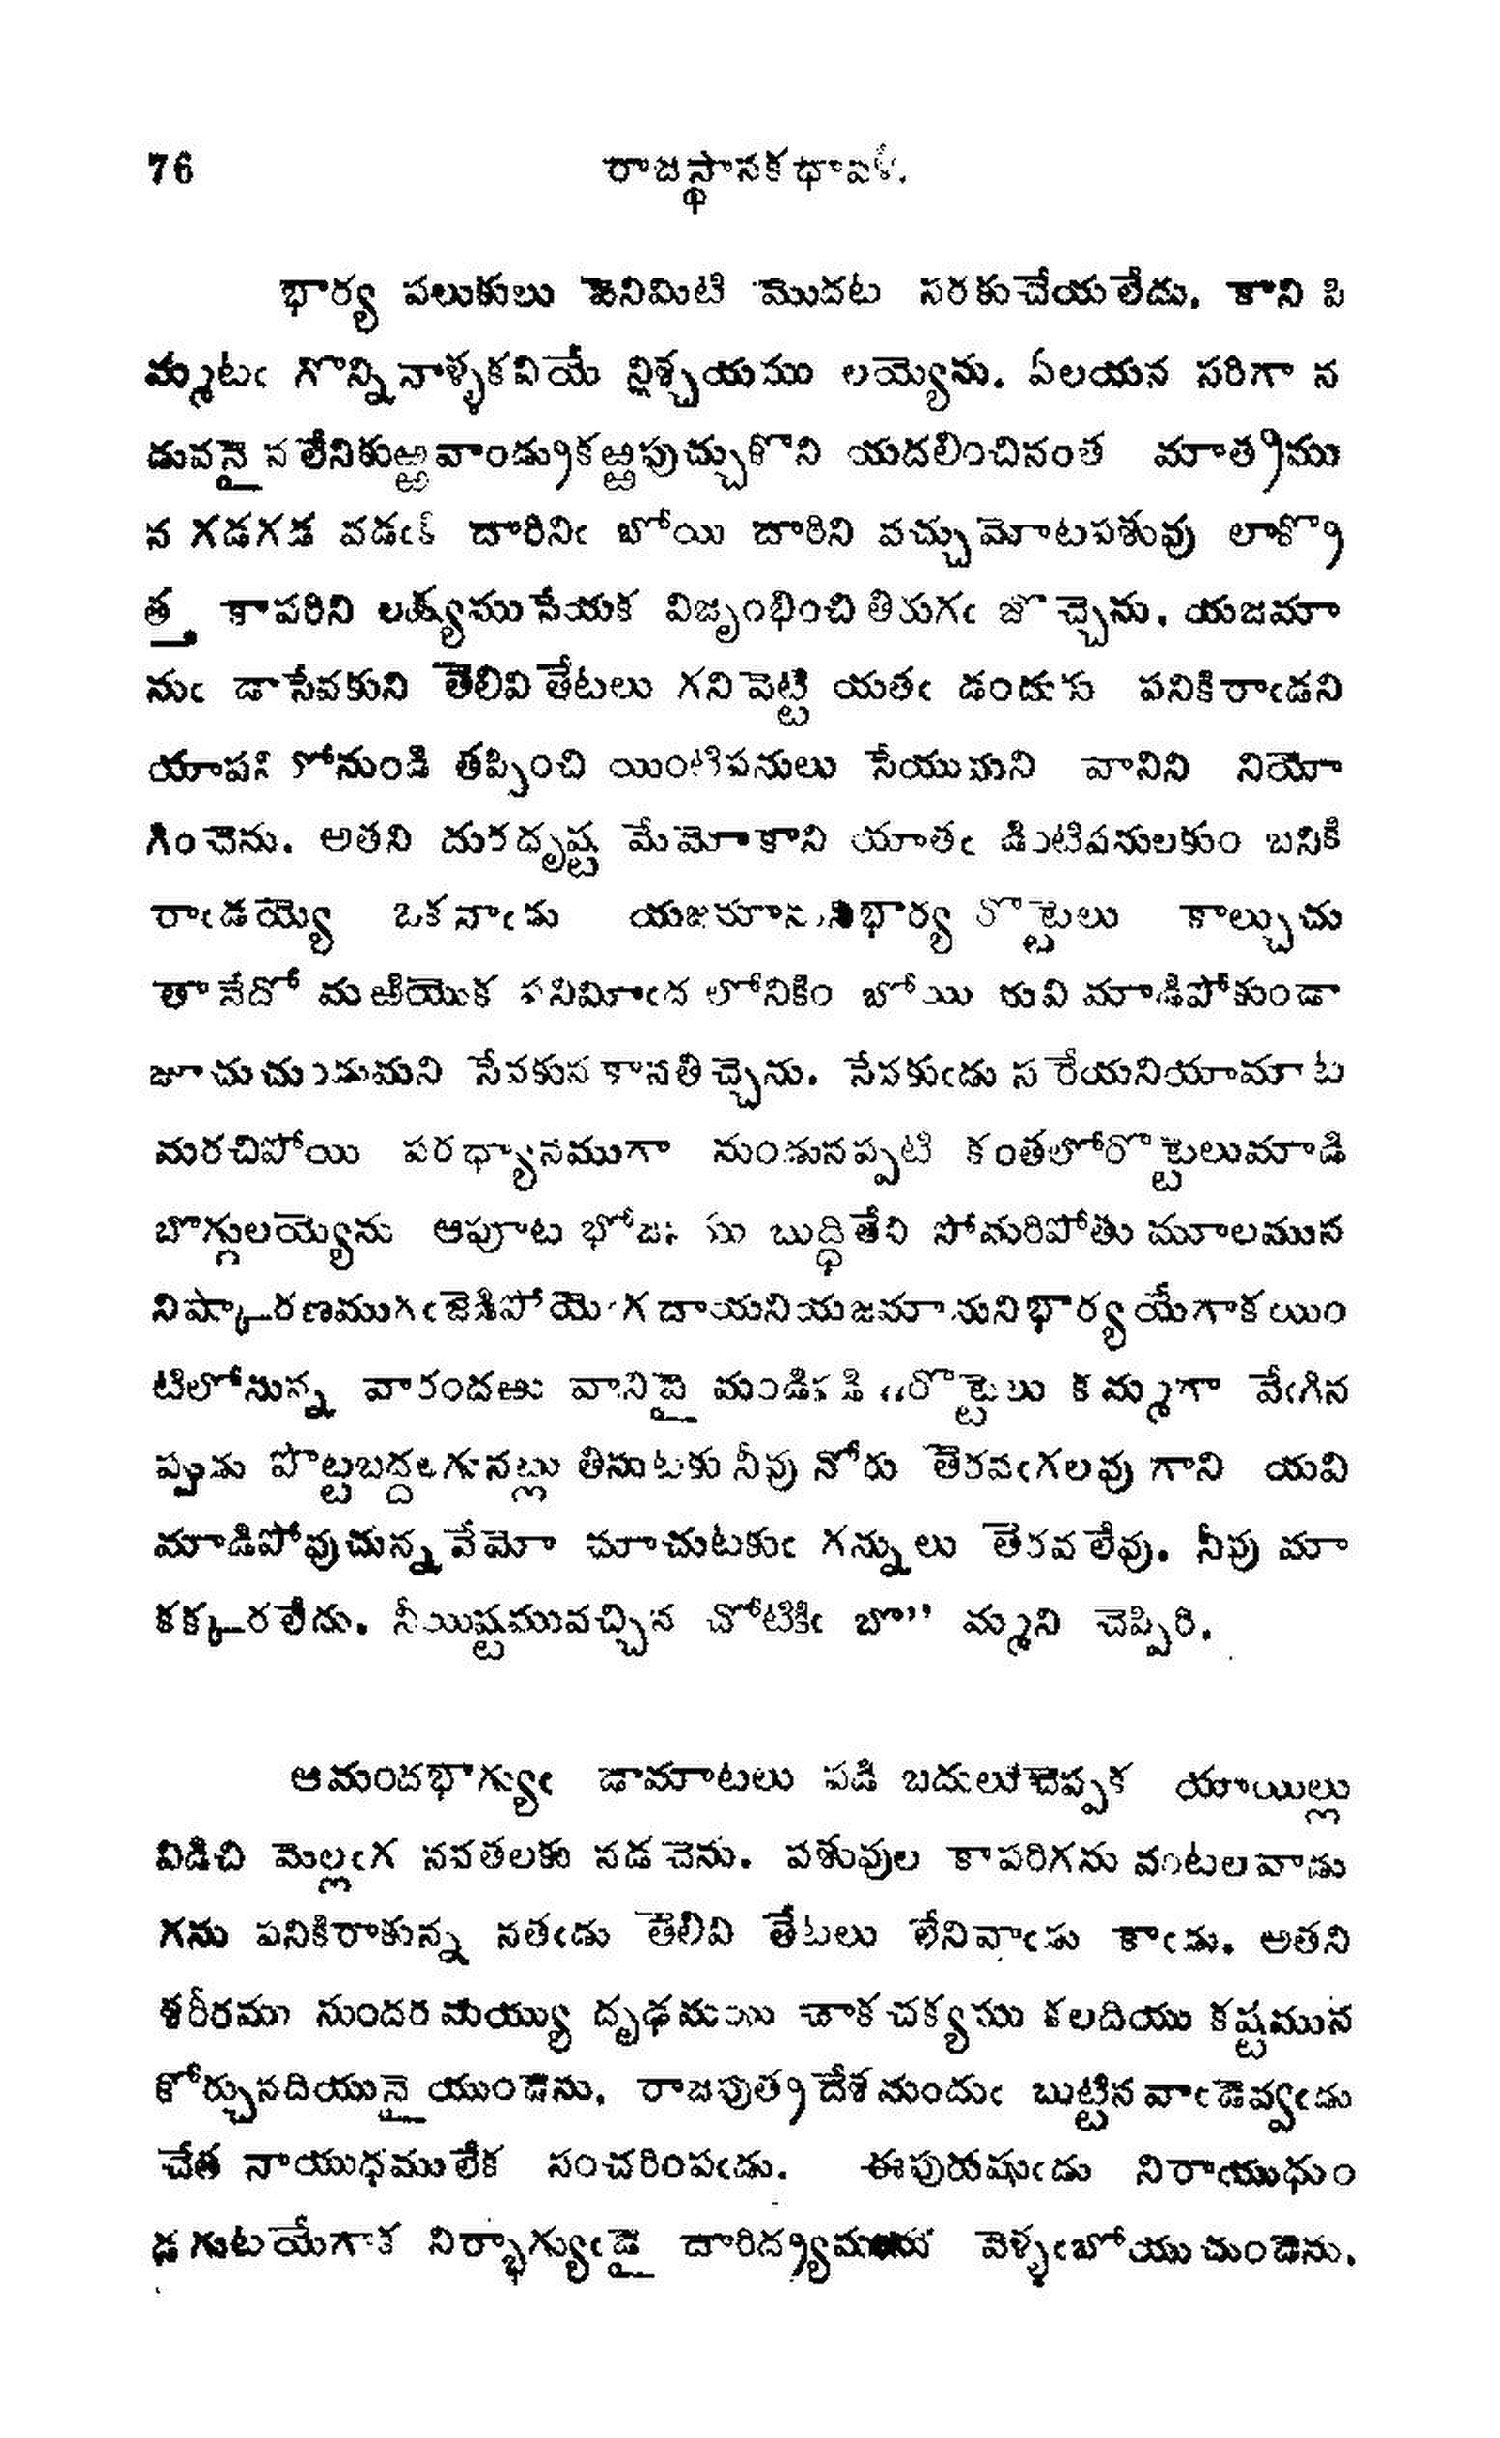భార్య పలుకులు పెనిమిటి 'మొదట సరకు చేయలేదు. కాని పిమ్మటఁ గొన్ని నాళ్ళకవియే నిశ్చయము లయ్యెను. ఏలయన సరిగా న
డువనైన లేని కుఱ్ఱవాండ్రు కఱ్ఱపుచ్చుకొని యదలించినంత మాత్రమున గడగడ వడఁకి దారినిఁ బోయి దారిని వచ్చుమోట పశువు లాక్రో
త్త కాపరిని లక్ష్యము చేయక విజృంభించి తిరుగఁ జొచ్చెను, యజమానుఁ డా సేవకుని తెలివి తేటలు గని పెట్టి యతఁ డందుకు పనికి రాడనియాపని లోనుండి తప్పించి యింటి పనులు సేయుమని వానిని నియోగించెను. అతని దురదృష్ట మేమోకాని యాతఁ డింటిపనులకుం బనికి రాఁడయ్యె ఒకనాఁడు యజమాని ని భార్య రోట్టెలు కాల్చుచు తానేదో మఱియొక పనిమీదలోనికిం బోయి యవి మాడిపోకుండా
జూచుచుండుమని సేవకున కానతిచ్చెను. సేవకుఁడు సరేయనియామాట మరచిపోయి పరధ్యానముగా నుండునప్పటి కంతలో రొట్టలుమాడి
బొగ్గులయ్యెను ఆపూట భోజనము బుద్ధి లేని సోమరిపోతు మూలమనిష్కారణముగిఁ జెడిపోయె గదాయని యజమానుని భార్య యేగాకయిం
టిలో నున్న వారందఱు వానిపై మండిపడి "రొట్టెలు కమ్మగా వేగినప్పుడు పొట్టబద్దలగు నట్లు తినుటకు నీవు నోరు తెరవఁగలవు గాని యవి
మాడిపోవుచున్నవేమో చూచుటకుఁ గన్నులు తెరవలేవు. నీవు మా కక్కర లేదు. నీ యిష్టమువచ్చిన చోటికి బొ" మ్మని చెప్పిరి.

ఆమంద భాగ్యఁ డామాటలు పడి బదులు చెప్పక యాయిల్లు విడిచి మెల్లఁగ నవతలకు నడ చెను. పశువుల కాపరిగను వంటలవాడు
గను పనికి రాకున్న నతఁడు తెలివి తేటలు లేనివాఁడు కాడు. అతని శరీరము సుందర మయ్యు దృఢమయి చాకచక్యము కలదియు కష్టమున
కోర్చునదియునై యుండెను, రాజపుత్ర దేశ మందుఁ బుట్టిన వాఁ డెవ్వఁడు చేత నాయుధము లేక సంచరింపఁడు. ఈ పురుషుఁడు నిరాయుధుం డగుటయేగాక నిర్భాగ్యుఁడై దారిద్య్యమును వెళ్ళఁబోయు చుండెను,